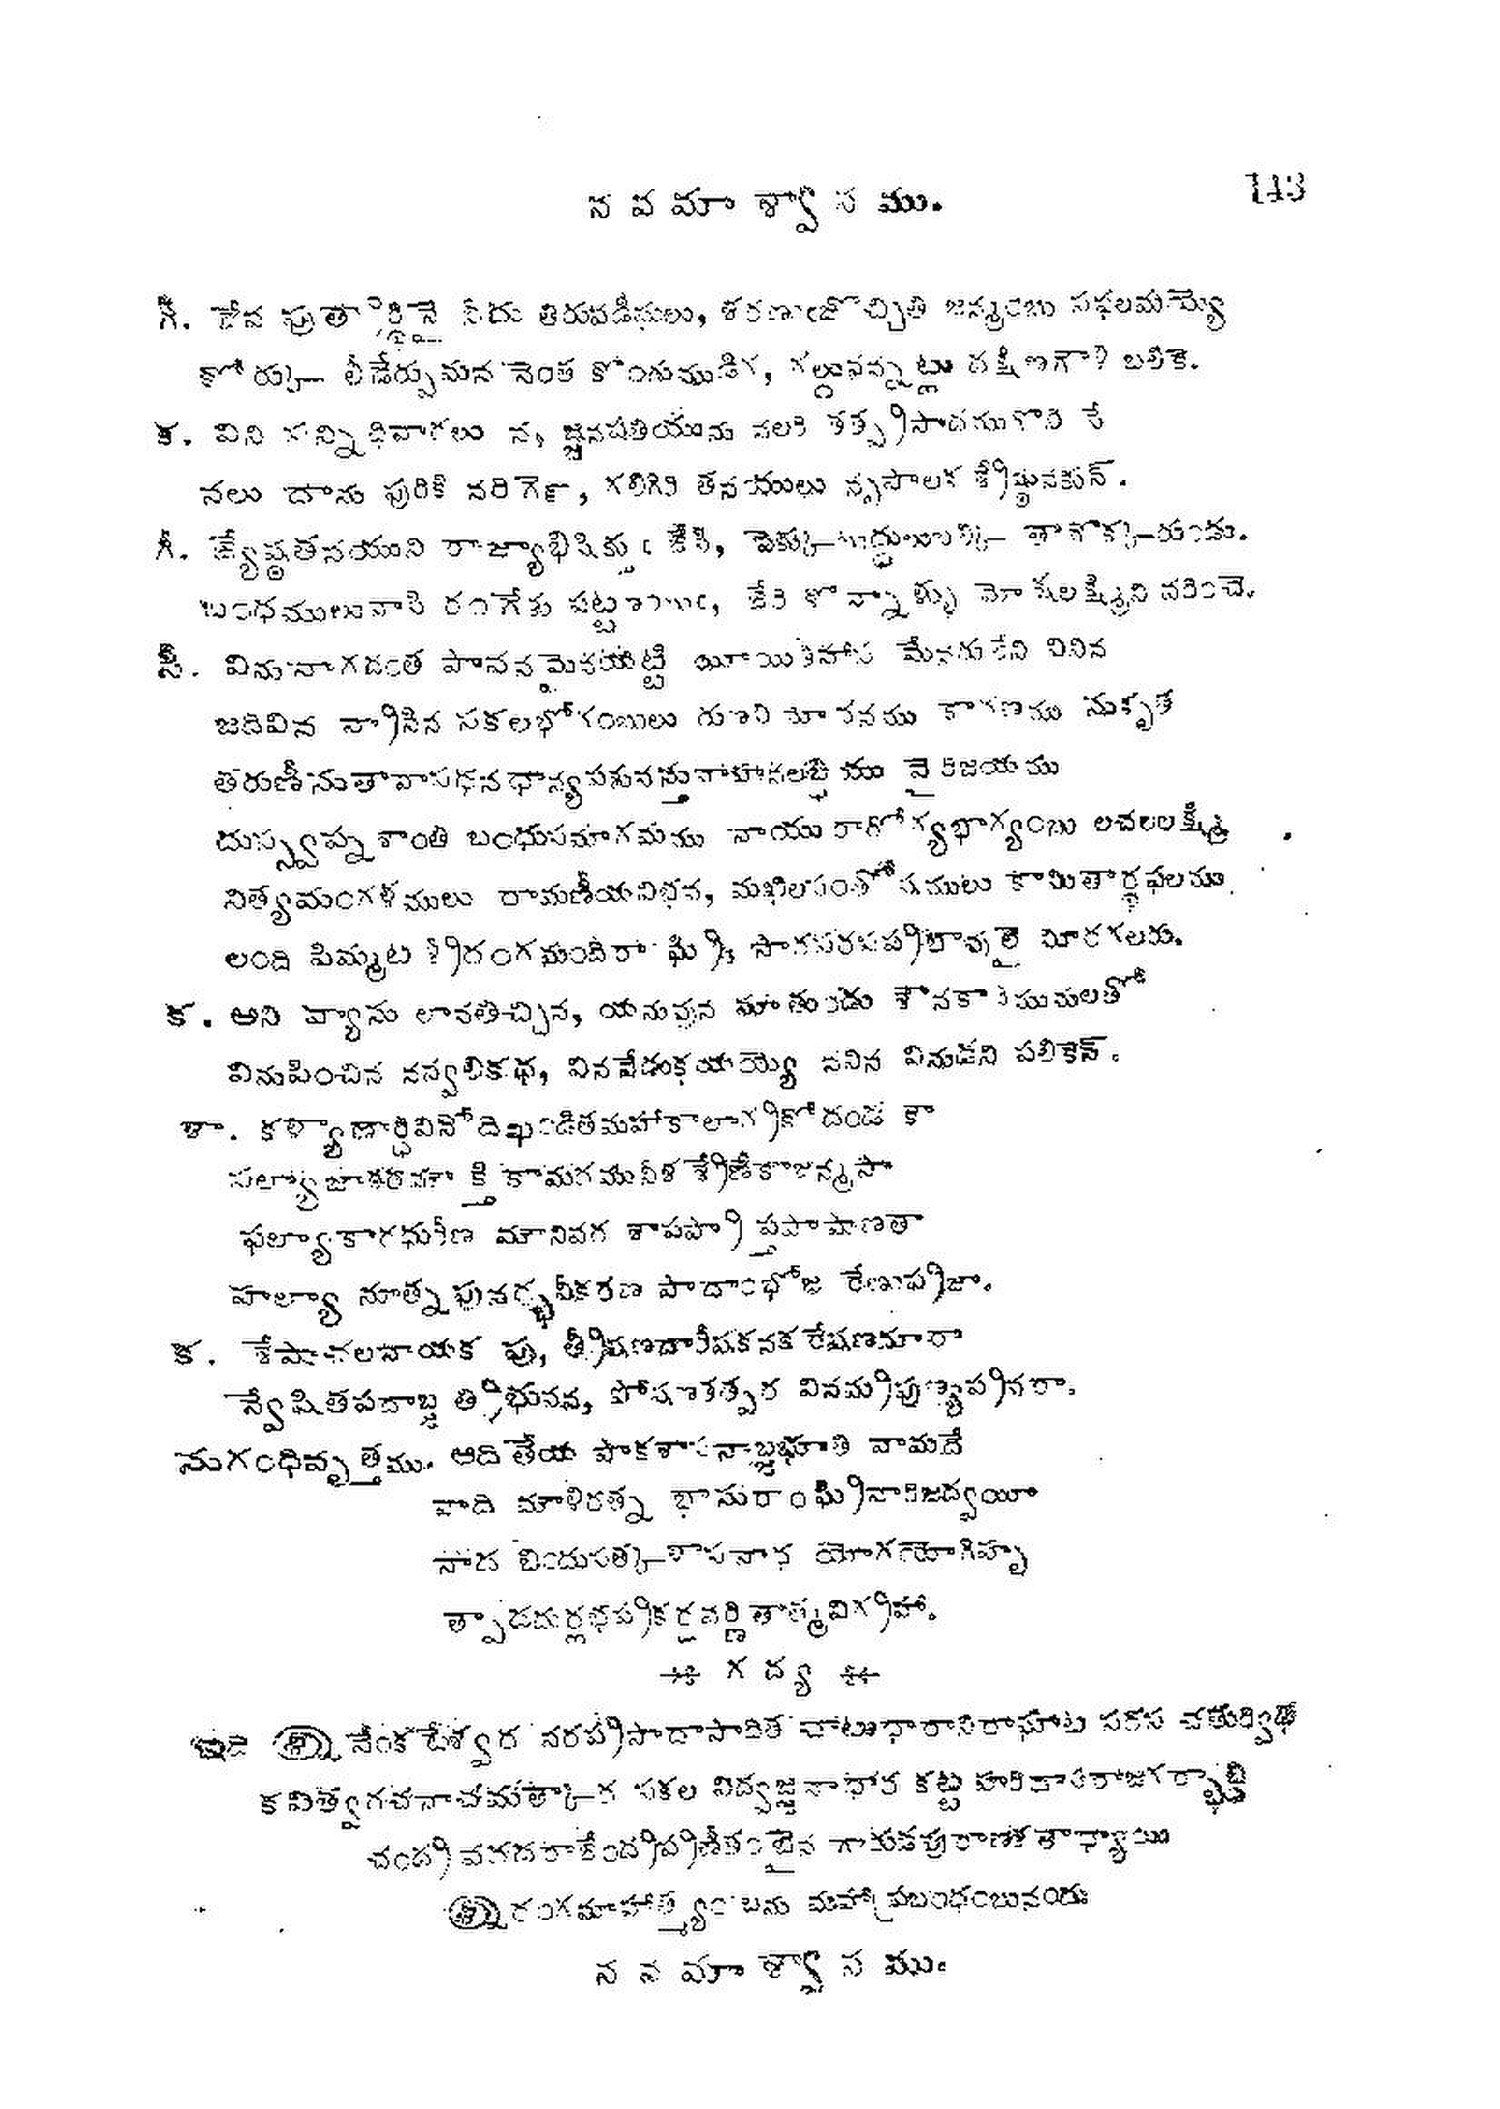గీ. దేవ పుత్రార్థినై నీదు తిరువడిఘంబు, శరణు జొచ్చితి జన్మంబు సఫలమయ్యె
 కోర్కు లీడేర్పు మన నెంత కొంగుముడిగ, గల్గునన్నట్లు దక్షిణగౌళి బలికె.
క. విని సన్నిధివారలు న, జ్జనపతియును నలరి తత్ప్రసాదము గొని సే
 నలు దాను పురికి నరిగెన్, గలిగిరి తనయులు నృపాలకశ్రేష్ఠునకున్.
గీ. జ్యేష్ఠతనయుని రాజ్యాభిషిక్తుఁ జేసి, పెక్కుబుద్ధులు బల్కి తానొక్కరుండు
 బంధములు వాసి రంగేశు పట్టణంబుఁ, జేరి కొన్నాళ్ళు మోక్షలక్ష్మిని వరించె.
సీ. విను నాగదంత పావనమైనయట్టి యీయితిహాస మేనరు లేని వినిన
 జదివిన వ్రాసిన సకలభోగంబులు గుణవిమోచనము కారణము సుకృత
 తరుణీసుతావాసధనధాన్యపశువస్తువాహనలబ్ధియు వైరిజయము
 దుస్స్వప్నశాంతి బంధుసమాగమము నాయురారోగ్యభాగ్యంబు లచలలక్ష్మి
 నిత్యమంగళములు రామణీయవిభవ, మఖిలసంతోషములు కామితార్థఫలము
 లంది పిమ్మట రంగమందిరాంఘ్రి, సారసరసప్రభావులై మీరగలరు.
క. అని వ్యాసు లానతిచ్చిన, యనువున సూతుండు శౌనకాదిమునులతో
 వినుపించిన నవ్వలికథ, వినవేడుక యయ్యె ననిన వినుడని పలికెన్.
శా. కళ్యాణార్థివినోదిఖండితమహాకాలాగ్రకోదండ కౌ
 సల్యాజాకరమౌక్తికామరమునీశశ్రేణికాజన్మసా
 ఫల్యాకారధురీణ మౌనివరశాపప్రాప్తపాషాణతా
 హల్యానూత్నపునర్భవీకరణపాదాంభోజరేణుప్రజా.
క. శేషాచలనాయక పు, త్రీషణదారీషకనకరేషణదూరా
 న్వేషితపదాబ్ద త్రిభువన, పోషణతత్పర వినమ్రపుణ్యప్రవరా.
సుగంధి. ఆదితేయ పాకశాసనాబ్జభూతి వామదే
 వాది మౌళిరత్న భాసురాంఘ్రివారిజద్వయీ
 నాద బిందుసత్కళాసనాథ యోగయోగిహృ
 త్పాదదుర్లభప్రకర్షవర్ణితాత్మనిగ్రహా.